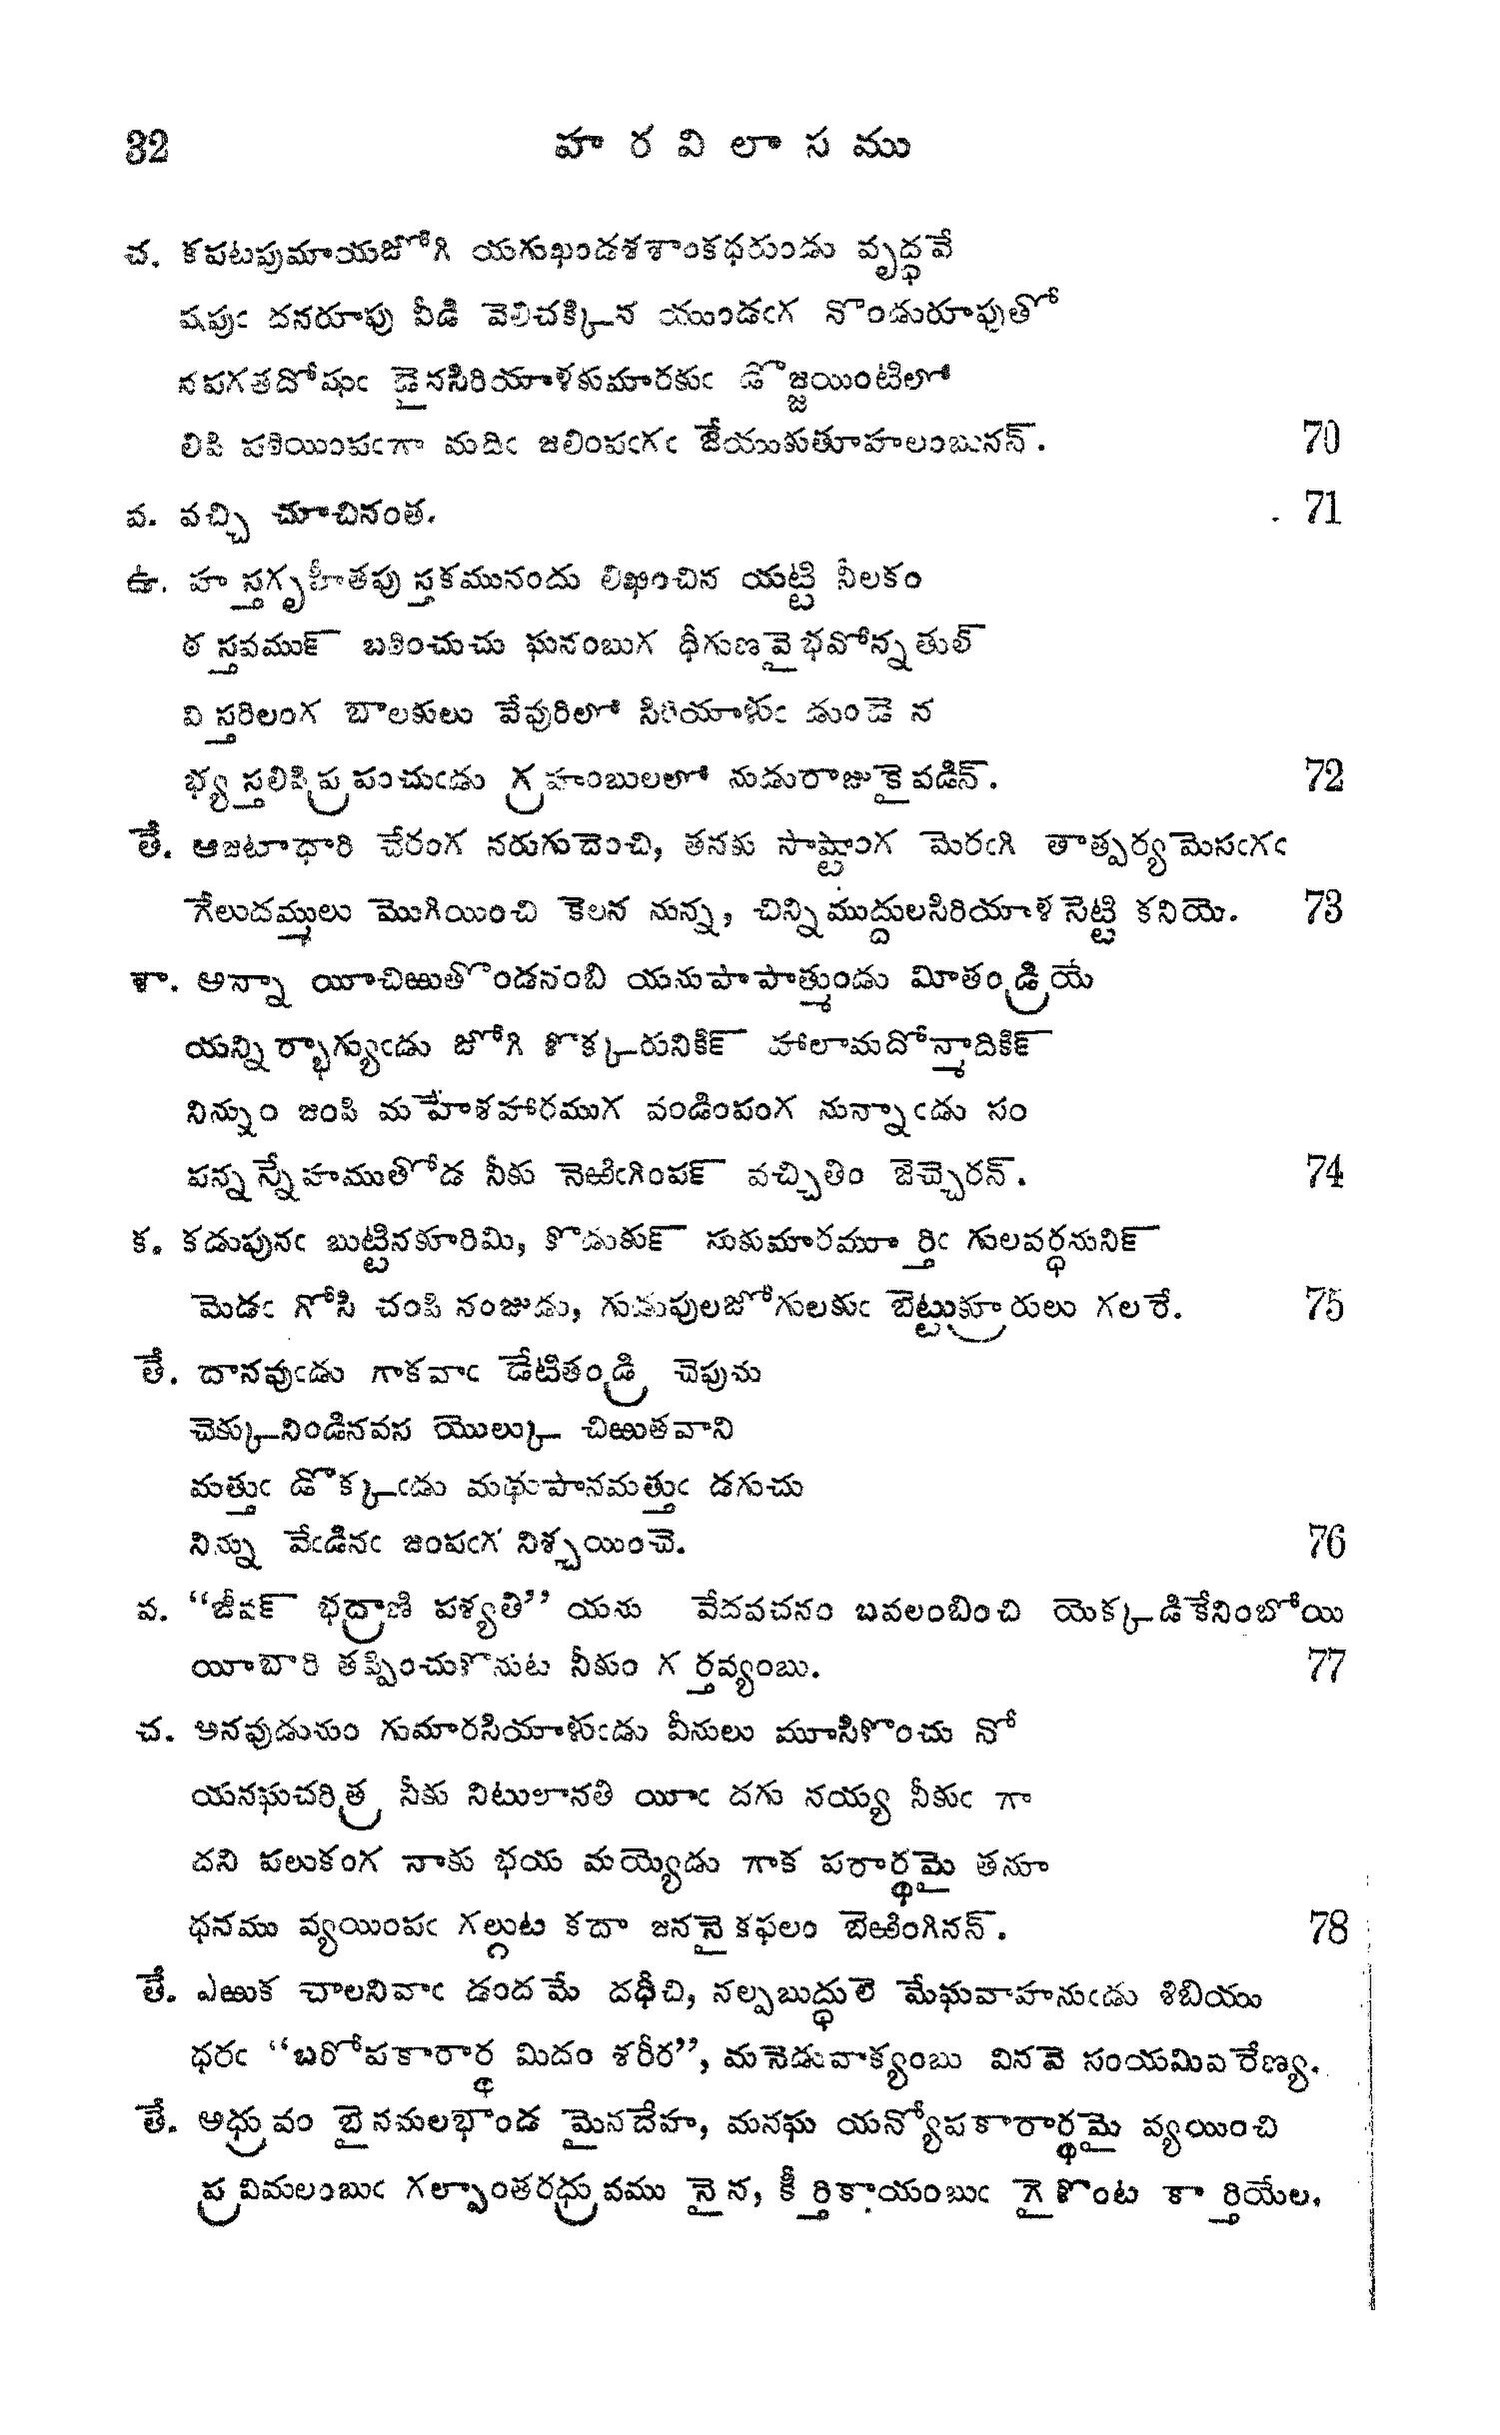చ. కపటపుమాయజోగి యగు శశాంకధరుండు వృద్ధవే
షపుఁ దనరూపు వీడి వెలిచక్కిన యుండఁగ నొండురూపుతో
నపగతదోషుఁడైన సిరియాళకుమారుకుఁ డొజ్జయింటిలో
లిపి పఠియింపఁగా మదిఁ జలింపఁగఁ జేయుకుతూహలంబునన్. 70

వ. వచ్చి చూచినంత. 71

ఉ. హస్తగృహీతపుస్తకమునందు లిఖించినయట్టి నీలకం
ఠస్తవమున్ బఠించుచు ఘనంబుగ ధీగుణవైభవోన్నతుల్
విస్తరిలంగ బాలకులు వేవురిలో సిరియాళుఁ డుండె న
భ్యస్తలిపిప్రపంచుఁడు గ్రహంబులలో నుడురాజుకైవడిన్. 72

తే. ఆజటాధారి చేరంగ నరుగుదెంచి, తనకు సాష్టాంగ మెరఁగి తాత్పర్య మెసఁగఁ
గేలుదమ్ములు మొగియించి కెలన నున్న, చిన్నిముద్దులసిరియాళసెట్టి కనియె. 73

శా. అన్నా యీచిఱుతొండనంబి యనుపాపాత్ముండు మీతండ్రియే
యన్నిర్భాగ్యుఁడు జోగి కొక్కరునికిన్ హాలమదోన్మాదికిన్
నిన్నుం జంపి మహేశహారముగ వండింపంగ నున్నాఁడు సం
పన్నస్నేహముతోడ నీకు నెఱిఁగింపన్ వచ్చితిం జెచ్చెరన్. 74

క. కడుపునఁ బుట్టినకూరిమి, కొడుకున్ సుకుమారమూర్తిఁ గులవర్ధనునిన్
మెడఁ గోసి చంపి నంజుడు, గుడుపులజోగులకుఁ బెట్టుక్రూరులు గలరే. 75

తే. దానవుఁడు గాకవాఁ డేటితండ్రి చెపుమ
చెక్కునిండినవస యొల్కు చిఱుతవాని
మత్తుఁ డొక్కఁడు మధుపానమత్తుఁ డగుచు
నిన్ను వేఁడినఁ జంపఁగ నిశ్చయించె. 76

వ. “జీవన్ భద్రాణి పశ్యతి” యను వేదవచనం బవలంబించి యెక్కడికేనిం బోయి యీబారి తప్పించుకొనుట నీకుం గర్తవ్యంబు. 77

చ. అనవుడునుం గుమారసిరియాళుఁడు వీనులు మూసికొంచు నో
యనఘచరిత్ర నీకు నిటులానతి యీఁ దగు నయ్య నీకుఁ గా
దని పలుకంగ నాకు భయ మయ్యెడు గాక పరార్థమై తనూ
ధనము వ్యయింపఁ గల్గుట కదా జననైకఫలం బెఱింగినన్. 78

తే. ఎఱుక చాలనివాఁ డందమే దధీచి, నల్పబుద్ధులె మేఘవాహనుఁడు శిబియు
ధరఁ “బరోపకారార్థ మిదం శరీర” మనెడు వాక్యంబు వినవె సంయమివరేణ్య. 79

తే. అధ్రువంబైన మలభాండమైన దేహ, మనఘ యన్యోపకారార్థమై వ్యయించి
ప్రవిమలంబుఁ గల్పాంతరధ్రువము నైన, కీర్తికాయంబుఁ గైకొంట కార్తియేల. 80